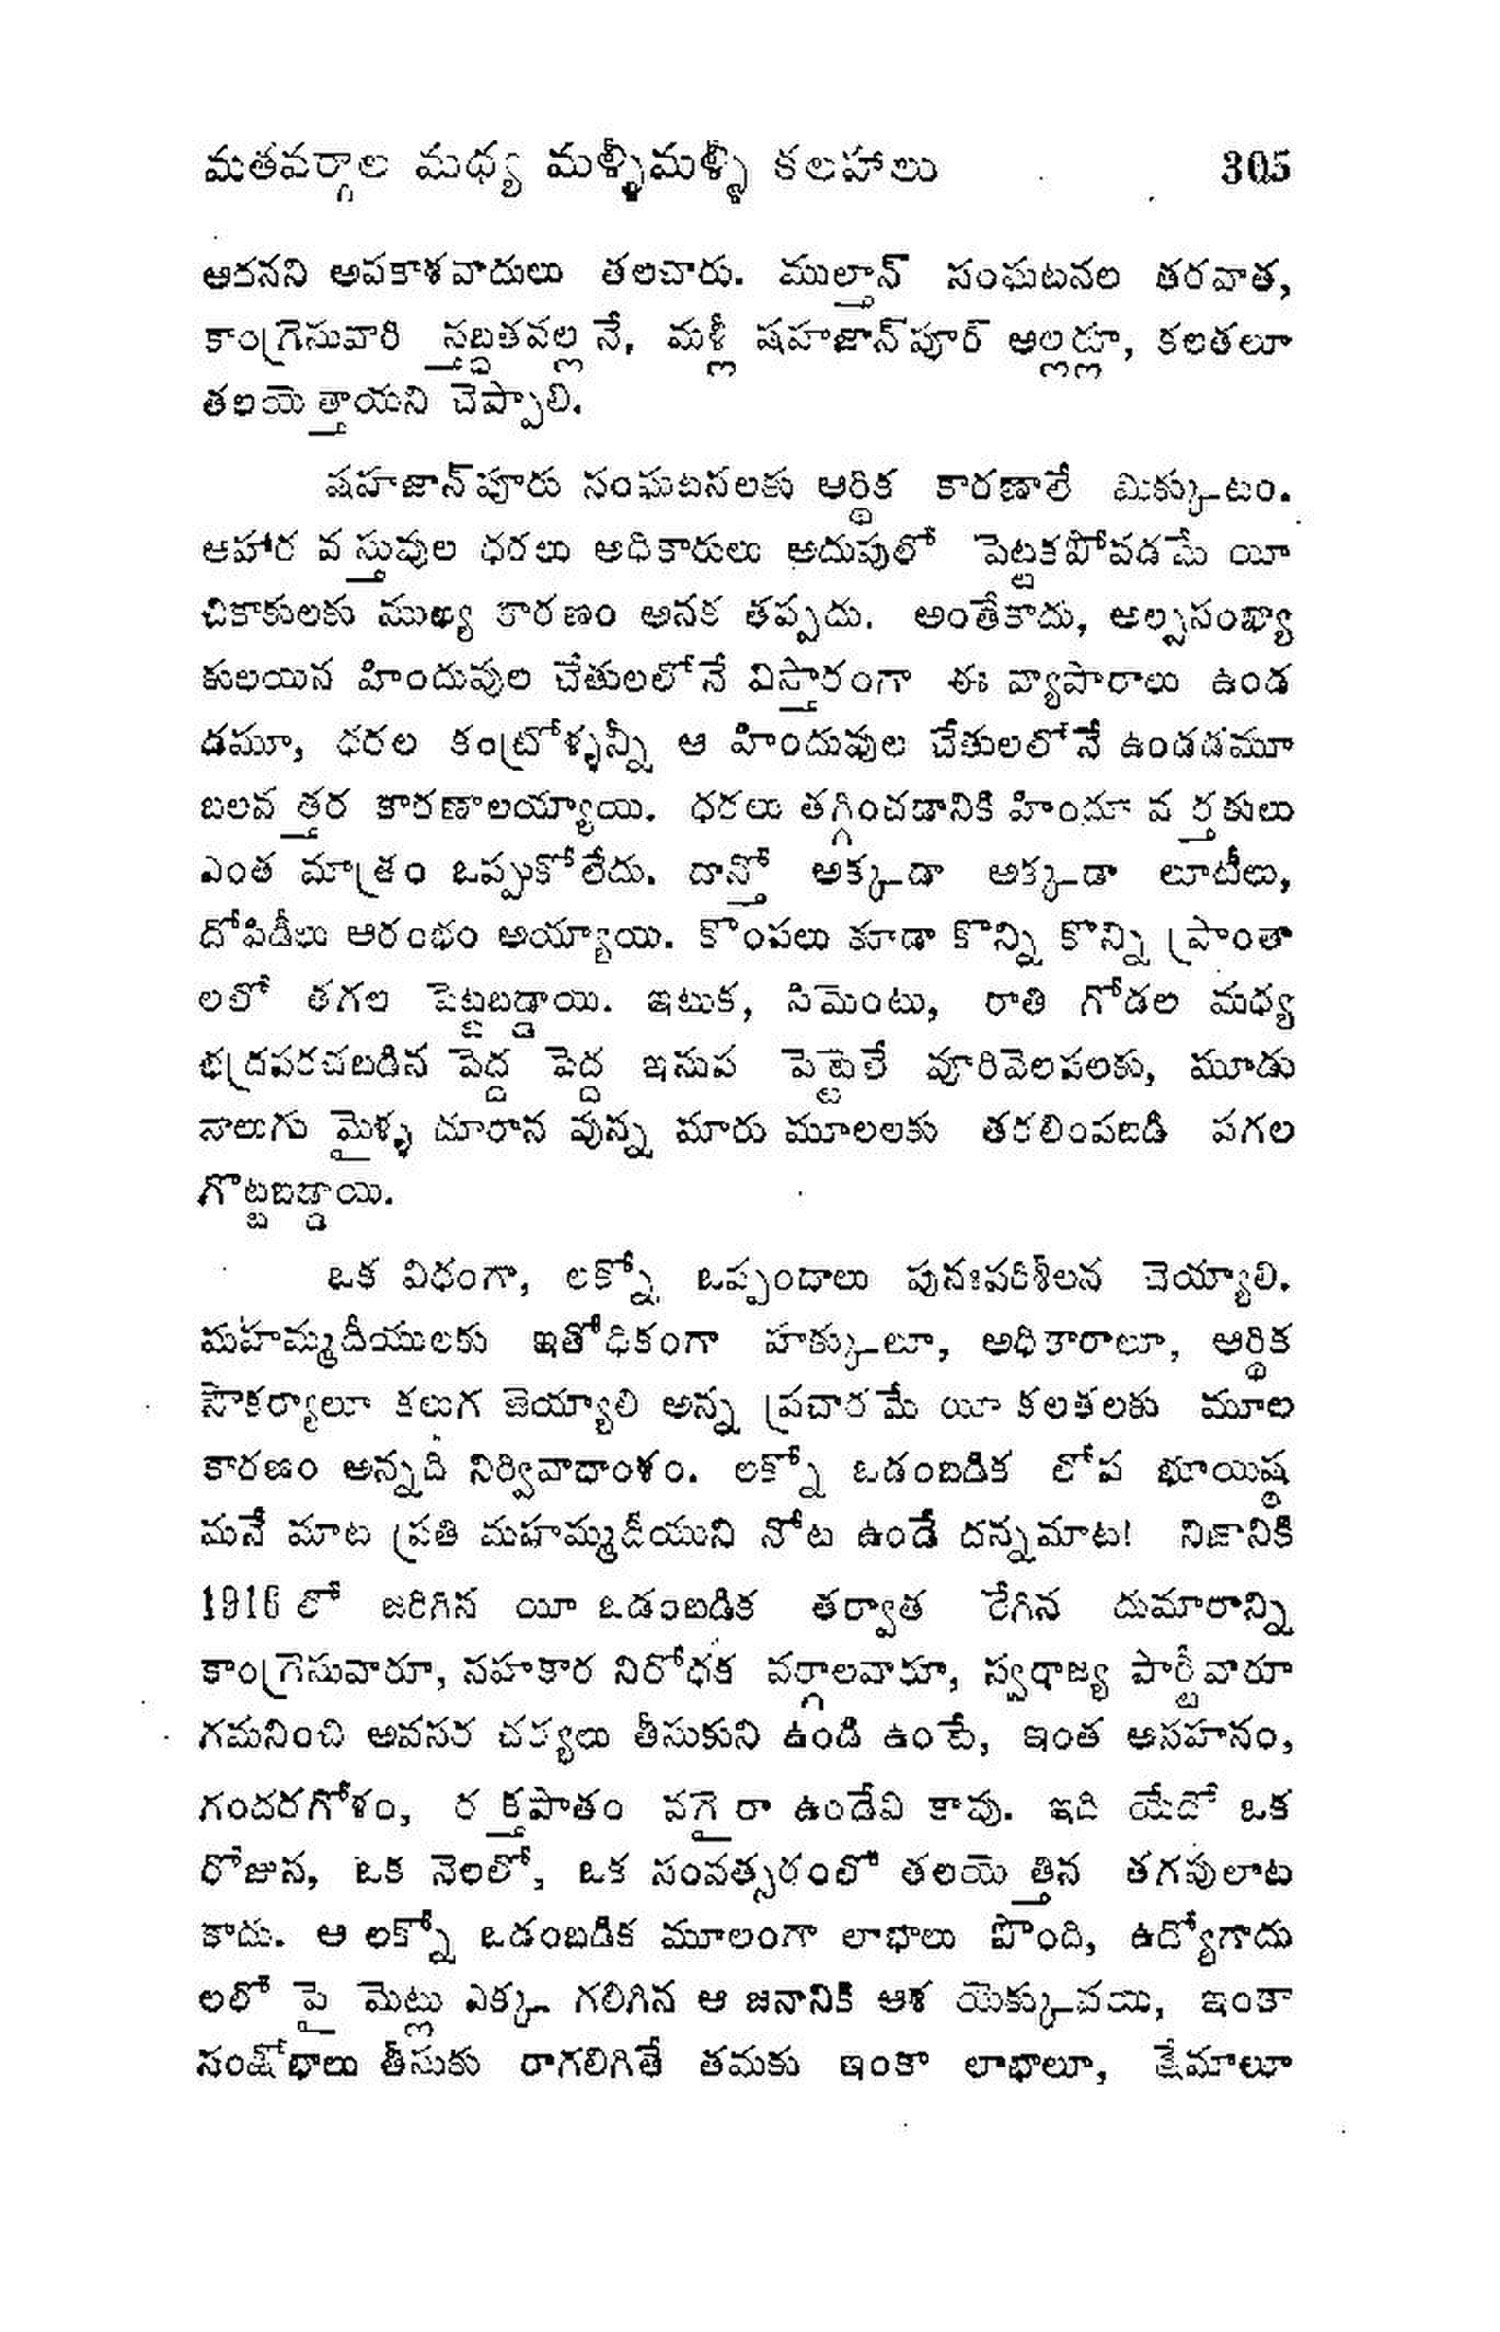అదనని అవకాశవాదులు తలచారు. ముల్తాన్ సంఘటనల తరవాత, కాంగ్రెసువారి స్తబ్దతవల్లనే, మళ్ళీ షహజాన్‌పూర్ అల్లర్లూ, కలతలూ తలయెత్తాయని చేప్పాలి.

షహజాన్‌పూరు సంఘటనలకు ఆర్థిక కారణాలే మిక్కుటం. ఆహార వస్తువుల ధరలు అధికారులు అదుపులో పెట్టకపోవడమే యీ చికాకులకు ముఖ్య కారణం అనక తప్పదు. అంతేకాదు, అల్పసంఖ్యాకులయిన హిందువుల చేతులలోనే విస్తారంగా ఈ వ్యాపారాలు ఉండడమూ, ధరల కంట్రోళ్ళన్నీ ఆ హిందువుల చేతులలోనే ఉండడమూ బలవత్తర కారణాలయ్యాయి. ధరలు తగ్గించడానికి హిందూ వర్తకులు ఎంత మాత్రం ఒప్పుకోలేదు. దాన్తో అక్కడా అక్కడా లూటీలు, దోపిడీలు ఆరంభం అయ్యాయి. కొంపలు కూడా కొన్ని కొన్ని ప్రాంతాలలో తగల పెట్టబడ్డాయి. ఇటుక, సిమెంటు, రాతి గోడల మధ్య భద్రపరచబడిన పెద్ద పెద్ద ఇనుప పెట్టలే వూరివెలపలకు, మూడు నాలుగు మైళ్ళ దూరాన వున్న మారు మూలలకు తరలింపబడి పగల గొట్టబడ్డాయి.

ఒక విధంగా, లక్నో ఒప్పందాలు పున:పరిశీలన చెయ్యాలి, మహమ్మదీయులకు ఇతోధికంగా హక్కులూ, అధికారాలూ, ఆర్థికసౌకర్యాలూ కలుగ జెయ్యాలి అన్న ప్రచారమే యీ కలతలకు మూల కారణం అన్నది నిర్వివాదాంశం, లక్నో ఒడంబడిక లోప భూయిష్ఠమనే మాట ప్రతి మహమ్మదీయుని నోట ఉండే దన్నమాట! నిజానికి 1916లో జరిగిన యీ ఒడంబడిక తర్వాత రేగిన దుమారాన్ని కాంగ్రెసువారూ, సహకార నిరోధక వర్గాలవారూ, స్వరాజ్య పార్టీవారూ గమనించి అవసర చర్యలు తీసుకుని ఉండి ఉంటే, ఇంత అసహనం, గందరగోళం, రక్తపాతం వగైరా ఉండేవి కావు. ఇది యేదో ఒక రోజున, ఒక నెలలో, ఒక సంవత్సరంలో తలయెత్తిన తగవులాట కాదు. ఆ లక్నో ఒడంబడిక మూలంగా లాభాలు పొంది, ఉద్యోగాదులలో పై మెట్లు ఎక్క గలిగిన ఆ జనానికి ఆశ యెక్కువయి, ఇంకా సంక్షోభాలు తీసుకు రాగలిగితే తమకు ఇంకా లాభాలూ, క్షేమాలూ